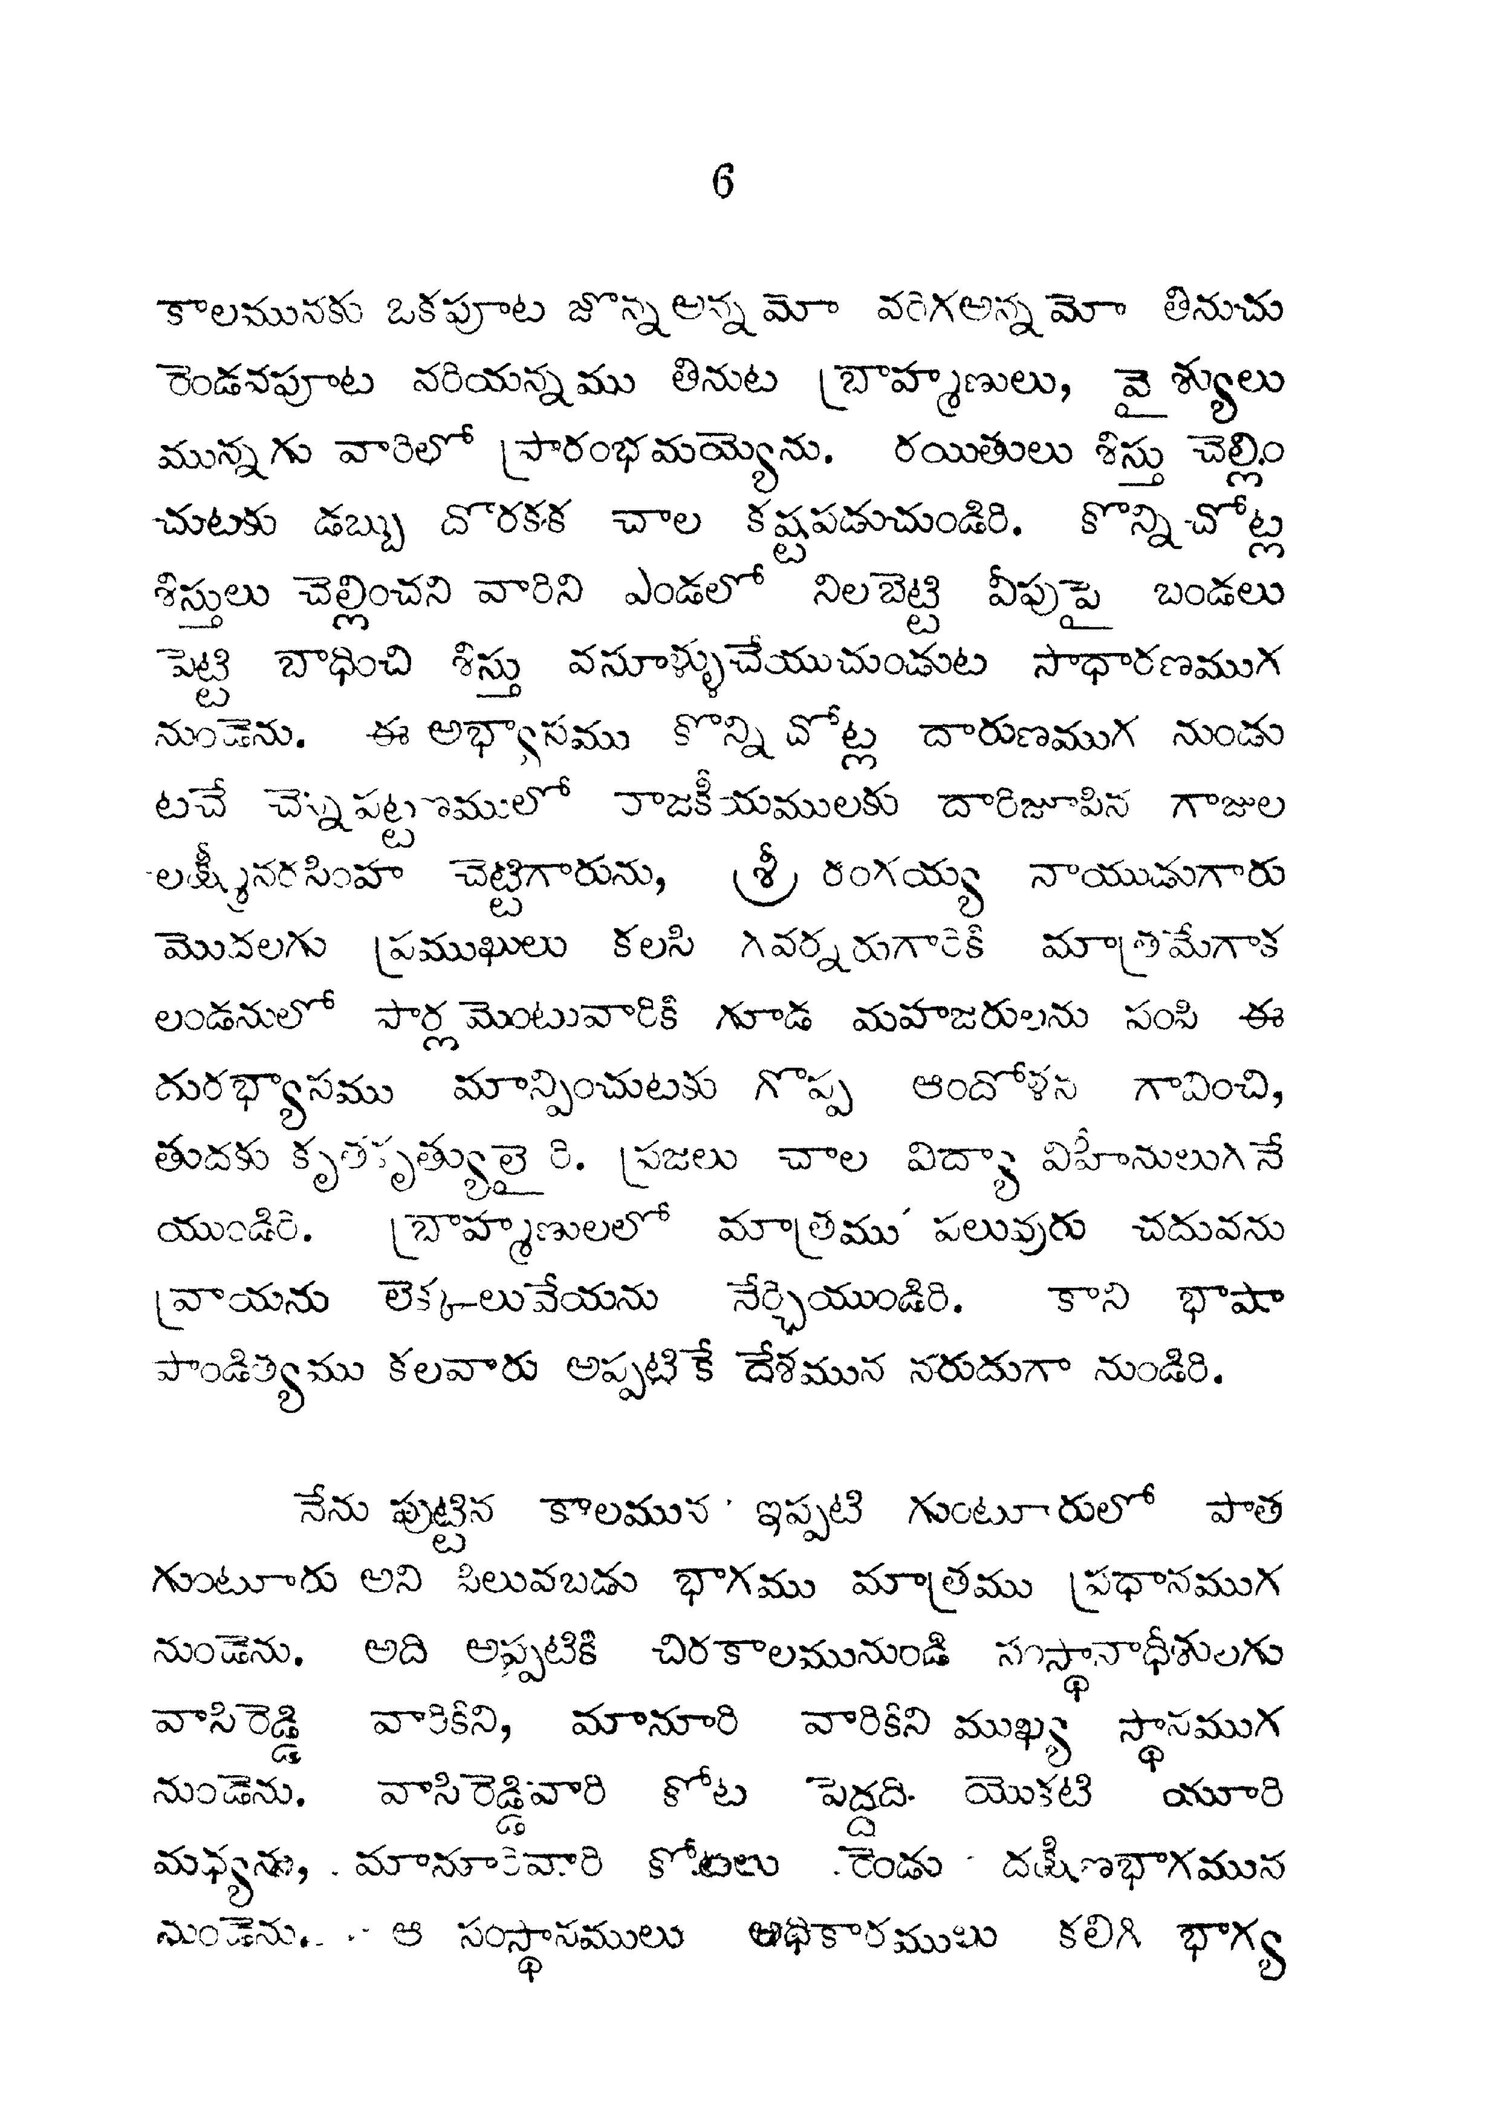కాలమునకు ఒకపూట జొన్నఅన్నమో వరిగఅన్నమో తినుచు రెండవపూట వరియన్నము తినుట బ్రాహ్మణులు, వైశ్యులు మున్నగు వారిలో ప్రారంభమయ్యెను. రయితులు శిస్తు చెల్లించుటకు డబ్బు దొరకక చాల కష్టపడుచుండిరి. కొన్నిచోట్ల శిస్తులు చెల్లించని వారిని ఎండలో నిలబెట్టి వీపుపై బండలు పెట్టి బాధించి శిస్తు వసూళ్ళుచేయుచుండుట సాధారణముగ నుండెను. ఈ అభ్యాసము కొన్నిచోట్ల దారుణముగ నుండుటచే చెన్నపట్టణములో రాజకీయములకు దారిజూపిన గాజుల లక్ష్మీనరసింహ చెట్టిగారును, శ్రీ రంగయ్య నాయుడుగారు మొదలగు ప్రముఖులు కలసి గవర్నరుగారికి మాత్రమేగాక లండనులో పార్లమెంటువారికి గూడ మహరులను నంపి ఈ దురభ్యాసము మాన్పించుటకు గొప్ప ఆందోళన గావించి, తుదకు కృతకృత్యులైరి. ప్రజలు చాల విద్యా విహీనులుగనే యుండిరి. బ్రాహ్మణులలో మాత్రము పలువురు చదువను వ్రాయను లెక్కలువేయను నేర్చియుండిరి. కాని భాషా పాండిత్యము కలవారు అప్పటికే దేశమున నరుదుగా నుండిరి.

నేను పుట్టిన కాలమున ఇప్పటి గుంటూరులో పాత గుంటూరు అని పిలువబడు భాగము మాత్రము ప్రధానముగ నుండెను. అది అప్పటికి చిరకాలమునుండి సంస్థానాధీశులగు వాసిరెడ్డి వారికిని, మానూరి వారికిని ముఖ్య స్థానముగ నుండెను. వాసిరెడ్డివారి కోట పెద్దది. యొకటి యూరి మధ్యను, మానూరివారి కోటలు రెండు దక్షిణభాగమున నుండెను. ఆ సంస్థానములు అధికారములు కలిగి భాగ్య